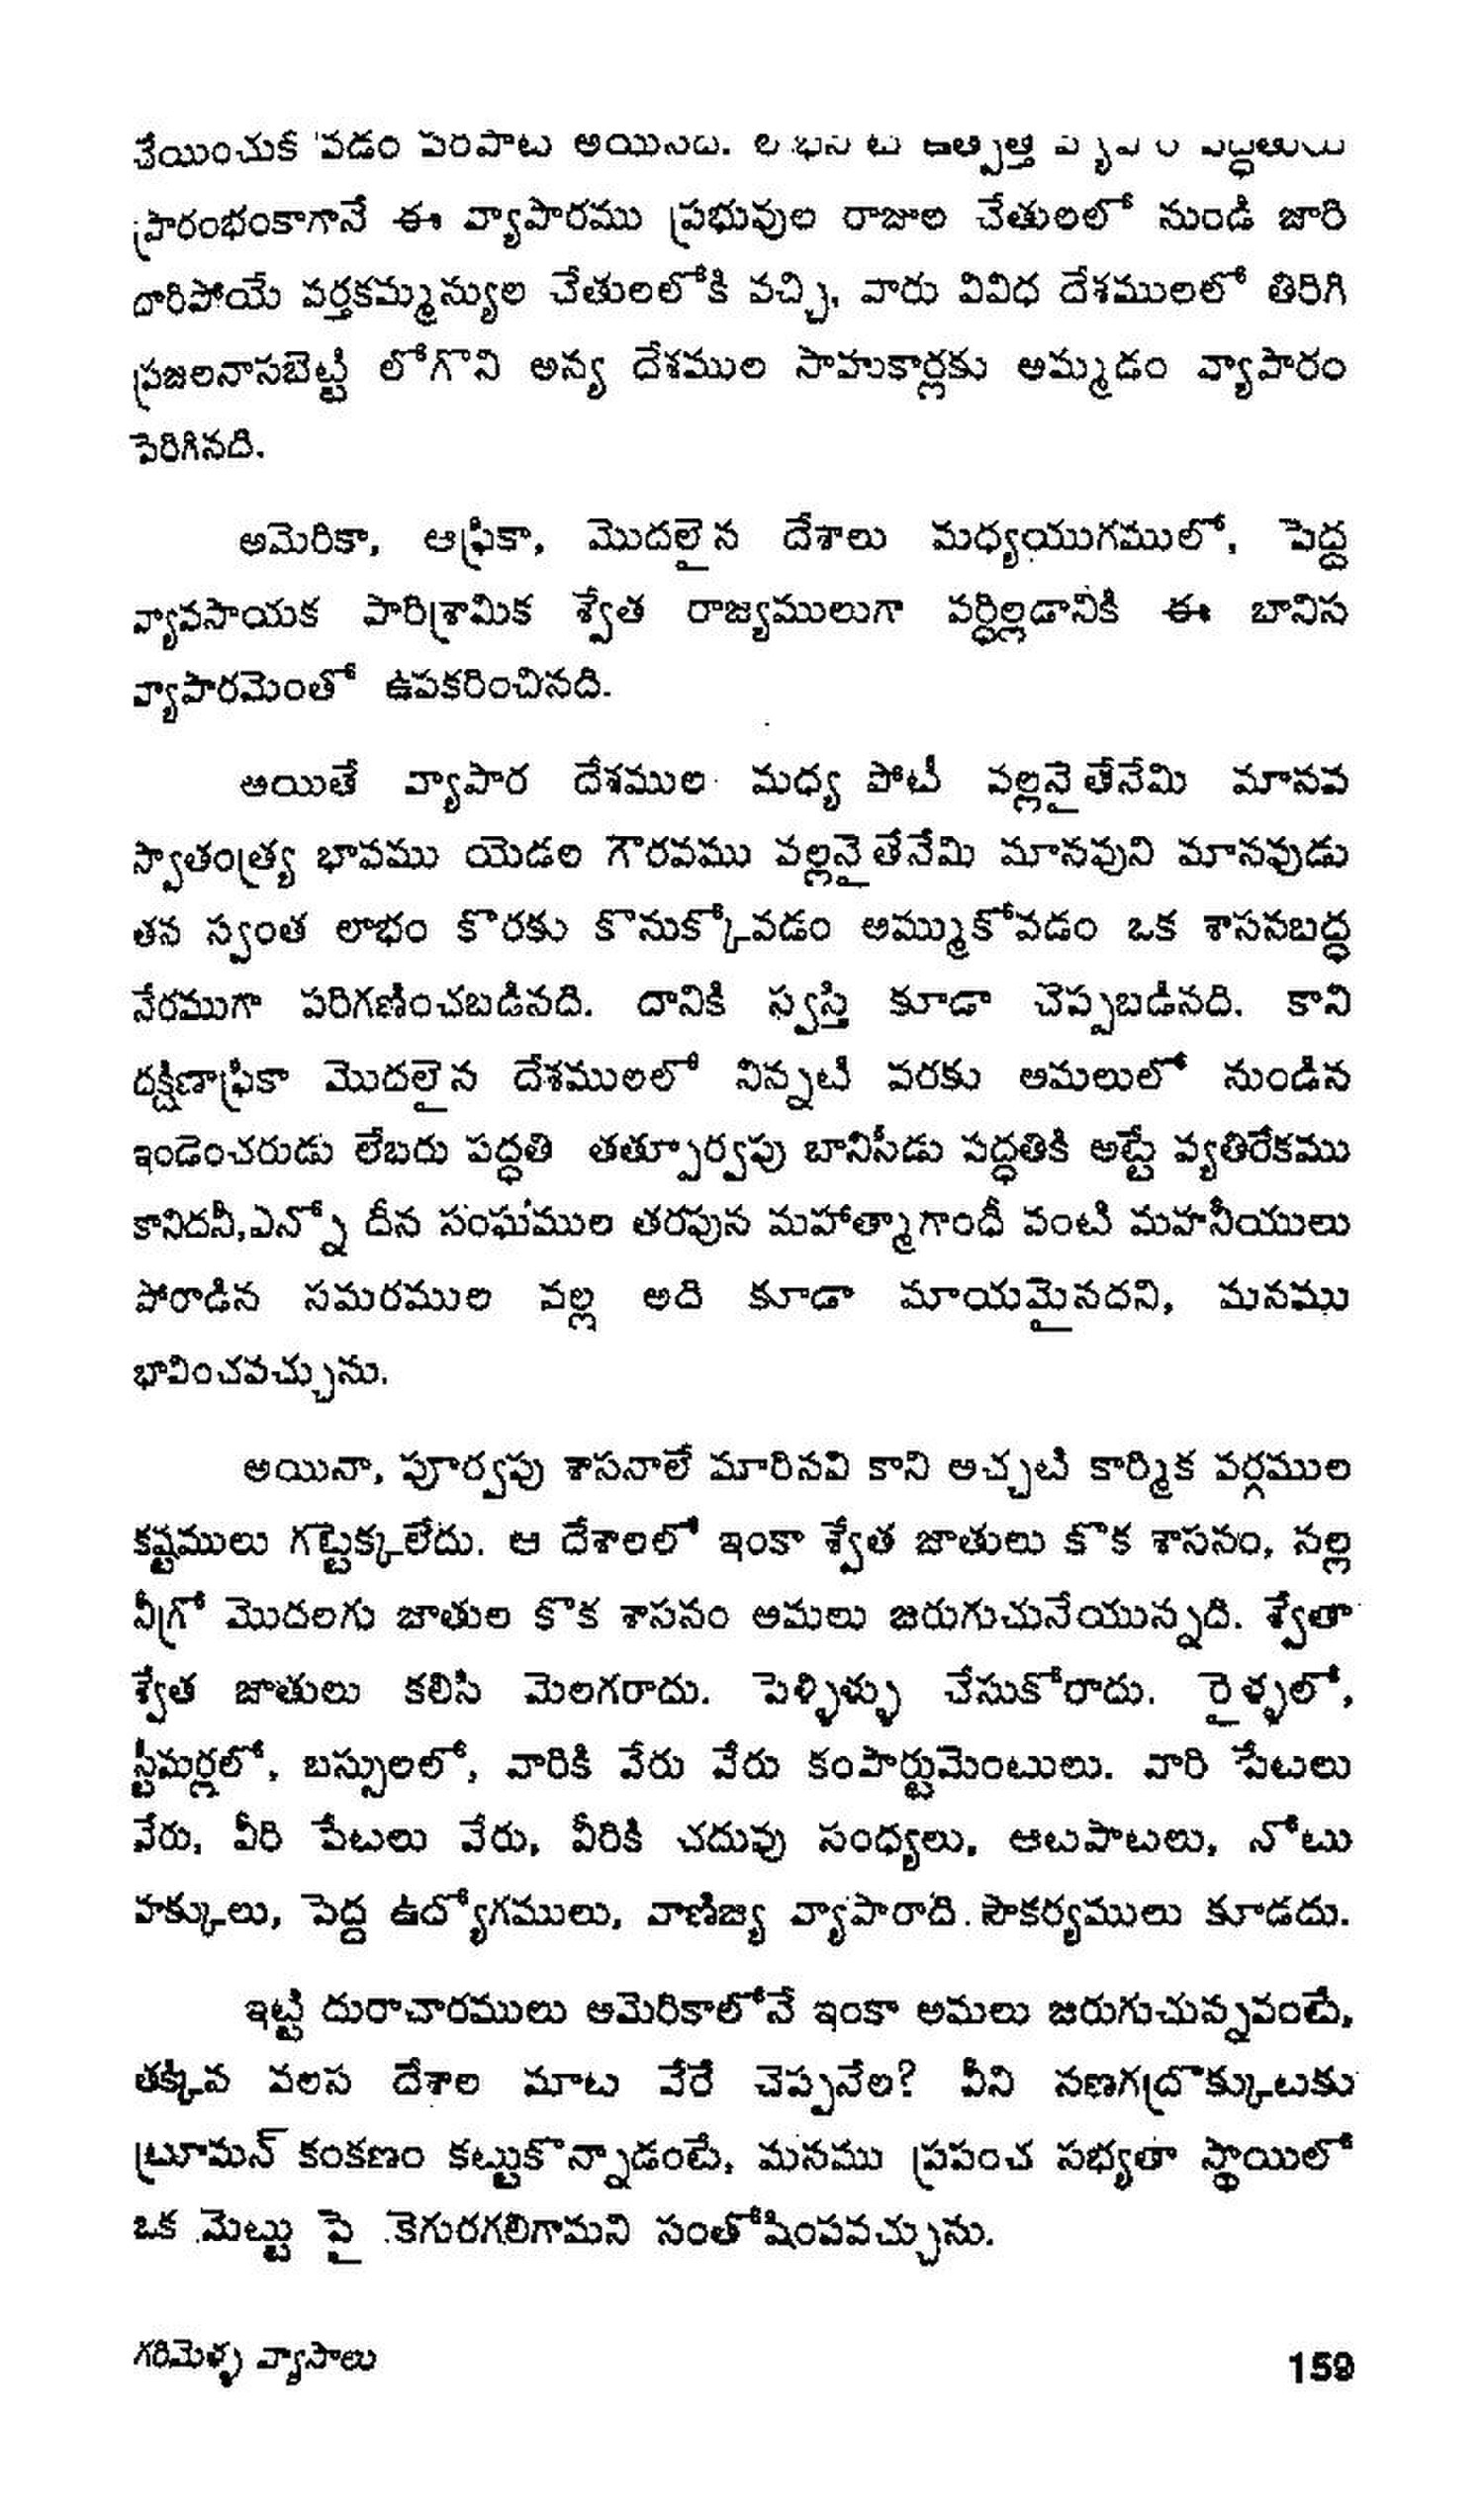చేయించుకోవడం పరిపాట అయినది. లాభసాటి ఉత్పత్తి వ్యాపార పద్దతులు ప్రారంభంకాగానే ఈ వ్యాపారము ప్రభువుల రాజుల చేతులలో నుండి జారి దారిపోయే వర్తకమ్మన్యుల చేతులలోకి వచ్చి, వారు వివిధ దేశములలో తిరిగి ప్రజలనాసబెట్టి లోగొని అన్య దేశముల సాహుకార్లకు అమ్మడం వ్యాపారం పెరిగినది.

అమెరికా, ఆఫ్రికా, మొదలైన దేశాలు మధ్యయుగములో, పెద్ద వ్యావసాయక పారిశ్రామిక శ్వేత రాజ్యములుగా వర్ధిల్లడానికి ఈ బానిస వ్యాపారమెంతో ఉపకరించినది.

అయితే వ్యాపార దేశముల మధ్య పోటీ వల్లనైతేనేమి మానవ స్వాతంత్ర్య భావము యెడల గౌరవము వల్లనైతేనేమి మానవుని మానవుడు తన స్వంత లాభం కొరకు కొనుక్కోవడం అమ్ముకోవడం ఒక శాసనబద్ధ నేరముగా పరిగణించబడినది. దానికి స్వస్తి కూడా చెప్పబడినది. కాని దక్షిణాఫ్రికా మొదలైన దేశముల్లో నిన్నటి వరకు అమలులో నుండిన ఇండెంచరుడు లేబరు పద్ధతి తత్పూర్వపు బానిసీడు పద్ధతికి అట్టే వ్యతిరేకము కానిదనీ, ఎన్నో దీన సంఘముల తరపున మహాత్మాగాంధీ వంటి మహనీయులు పోరాడిన సమరముల వల్ల అది కూడా మాయమైనదని, మనము భావించవచ్చును.

అయినా, పూర్వపు శాసనాలే మారినవి కాని అచ్చటి కార్మిక వర్గముల కష్టములు గట్టెక్కలేదు. ఆ దేశాలలో ఇంకా శ్వేత జాతులు కొక శాసనం, నల్ల నీగ్రో మొదలగు జాతుల కొక శాసనం అమలు జరుగుచునేయున్నది. శ్వేతా శ్వేత జాతులు కలిసి మెలగరాదు. పెళ్ళిళ్ళు చేసుకోరాదు. రైళ్ళలో, స్టీమర్లలో, బస్సులలో, వారికి వేరు వేరు కంపార్టుమెంటులు. వారి పేటలు వేరు, వీరి పేటలు వేరు, వీరికి చదువు సంధ్యలు, ఆటపాటలు, వోటు హక్కులు, పెద్ద ఉద్యోగములు, వాణిజ్య వ్యాపారాది సౌకర్యములు కూడదు.

ఇట్టి దురాచారములు అమెరికాలోనే ఇంకా అమలు జరుగుచున్నవంటే, తక్కిన వలస దేశాల మాట వేరే చెప్పనేల? వీని నణగద్రొక్కుటకు ట్రూమన్ కంకణం కట్టుకొన్నాడంటే, మనము ప్రపంచ సభ్యతా స్థాయిలో ఒక మెట్టు పై కెగురుగలిగామని సంతోషింపవచ్చును.